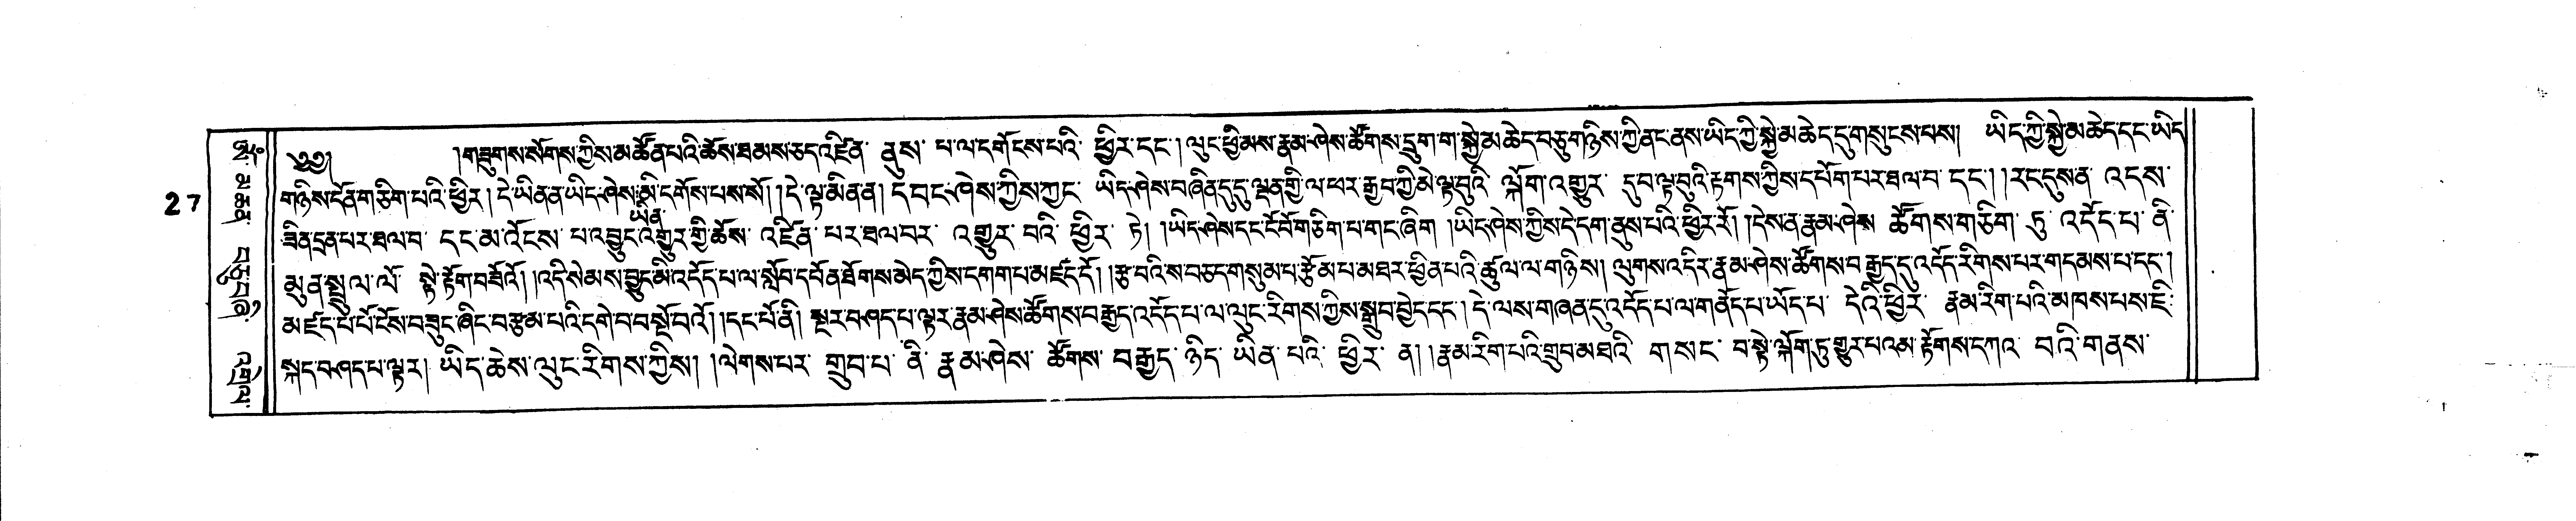༄༅། །གཟུགས་སོགས་ཀྱིས་མཚོན་པའི་ཆོས་ཐམས་ཅད་འཛིན་ནུས་པ་ལ་དགོངས་པའི་ཕྱིར་དང་། ལུང་ཕྱི་མས་རྣམ་ཤེས་ཚོགས་དྲུག་ག་སྐྱེ་མཆེད་བཅུ་གཉིས་ཀྱི་ནང་ནས་ཡིད་ཀྱི་སྐྱེ་མཆེད་དུ་གསུངས་པས། ཡིད་ཀྱི་སྐྱེ་མཆེད་དང་ཡིད་
གཉིས་དོན་གཅིག་པའི་ཕྱིར། དེ་ཡིན་ན་ཡིད་ཤེས་ཡིན་མི་དགོས་པས་སོ། །དེ་ལྟ་མིན་ན། དབང་ཤེས་ཀྱིས་ཀྱང་ཡིད་ཤེས་བཞིན་དུ་དུ་ལྡན་གྱི་ལ་ཕར་རྒྱབ་ཀྱི་མེ་ལྟ་བུའི་ལྐོག་འགྱུར་དུ་བ་ལྟ་བུའི་རྟགས་ཀྱིས་དཔོག་པར་ཐལ་བ་དང་། །རང་དུས་ན་འདས་
ཟིན་དྲན་པར་ཐལ་བ་དང་མ་འོངས་པ་འབྱུང་འགྱུར་གྱི་ཆོས་འཛིན་པར་ཐལ་བར་འགྱུར་བའི་ཕྱིར་ཏེ། །ཡིད་ཤེས་དང་ངོ་བོ་གཅིག་པ་གང་ཞིག །ཡིད་ཤེས་ཀྱིས་དེ་དག་ནུས་པའི་ཕྱིར་རོ། །དེས་ན་རྣམ་ཤེས་ཚོགས་གཅིག་ཏུ་འདོད་པ་ནི་
མུན་སྤྲུལ་ལོ་སྟེ་རྟོག་བཟོའོ། །འདི་སེམས་བྱུང་མི་འདོད་པ་ལ་སློབ་དཔོན་ཐོགས་མེད་ཀྱིས་དགག་པ་མཛད་དོ། །རྩ་བའི་ས་བཅད་གསུམ་པ་རྩོམ་པ་མཐར་ཕྱིན་པའི་ཚུལ་ལ་གཉིས། ལུགས་འདིར་རྣམ་ཤེས་ཚོགས་བརྒྱད་དུ་འདོད་རིགས་པར་གདམས་པ་དང་།
མཛད་པ་པོ་ངོས་བཟུང་ཞིང་བརྩམ་པའི་དགེ་བ་བསྔོ་བའོ། །དང་པོ་ནི། སྔར་བཤད་པ་ལྟར་རྣམ་ཤེས་ཚོགས་བརྒྱད་འདོད་པ་ལ་ལུང་རིགས་ཀྱིས་སྒྲུབ་བྱེད་དང་། དེ་ལས་གཞན་དུ་འདོད་པ་ལ་གནོད་པ་ཡོད་པ་དེའི་ཕྱིར་རྣམ་རིག་པའི་མཁས་པས་ཇི་
སྐད་བཤད་པ་ལྟར། ཡིད་ཆེས་ལུང་རིགས་ཀྱིས། །ལེགས་པར་གྲུབ་པ་ནི་རྣམ་ཤེས་ཚོགས་བརྒྱད་ཉིད་ཡིན་པའི་ཕྱིར་ན། །རྣམ་རིག་པའི་གྲུབ་མཐའི་གསང་བ་སྟེ་ལྐོག་ཏུ་གྱུར་པའམ་རྟོགས་དཀའ་བའི་གནས་